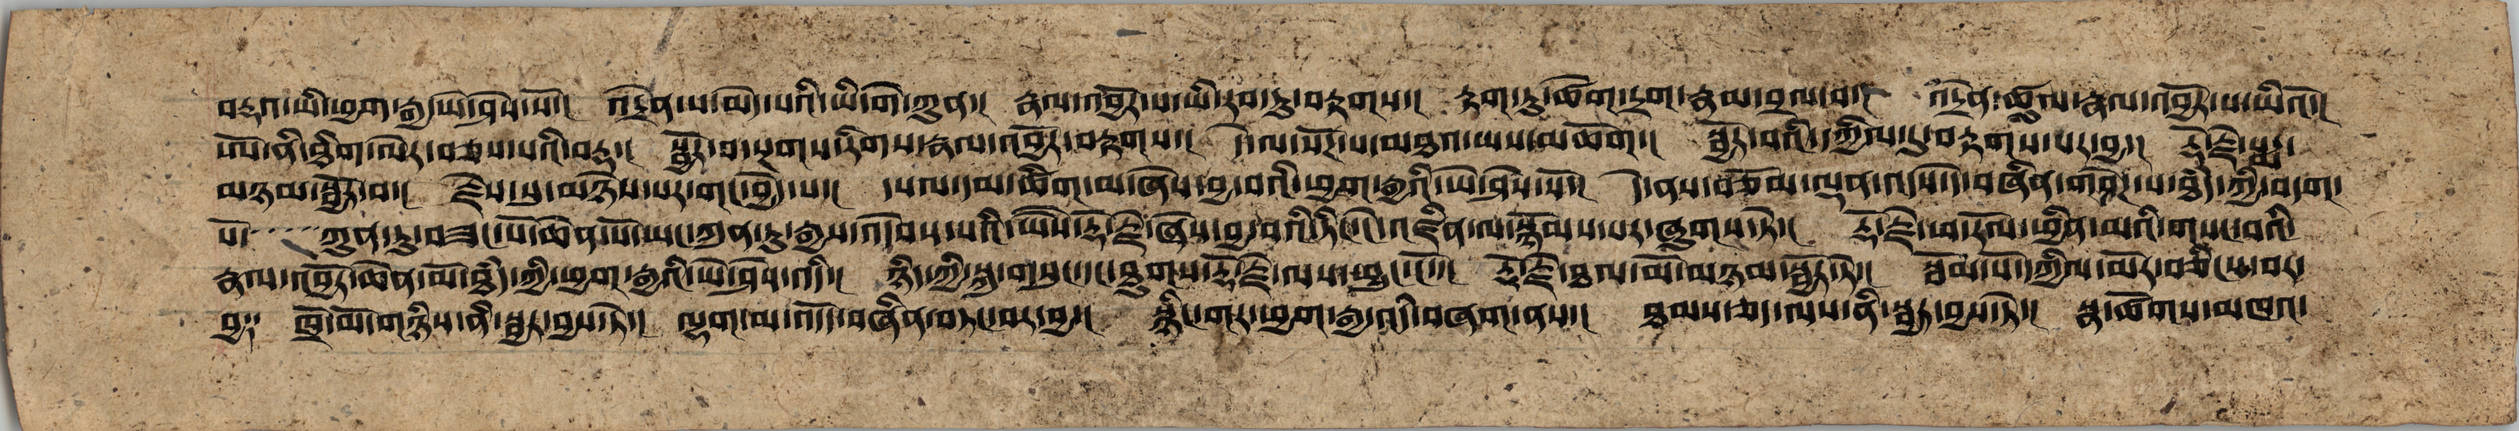བརྡའ་ཡི་ཕྱག་རྒྱ་ཡེ་ཤེས་སོ་། འདྲེན་པ་མེད་པའི་ཡི་གེ་ཀུན་། རྣལ་འབྱོར་པ་ཡི་རབ་ཏུ་བརྟགས་། རྟག་ཏུ་ཚེག་དྲག་རྣམ་བྲལ་བ་། འདྲེན་ཚུལ་རྣལ་འབྱོར་པ་ཡིའོ་།
ཨོ་ནི་ཐིག་ལེར་བཅས་པའི་བརྡ་། སྦྱོར་བ་སྔགས་རིགས་རྣལ་འབྱོར་བརྟགས་། དེ་ལ་སོཌ་པ་མཐའ་ཡས་མཆོག་། སྦྱོར་བའི་དཀྱིལ་དུ་བརྟགས་པར་བྱ་། རྡོ་རྗེ་པདྨ་
མཉམ་སྦྱོར་བ་། རྗེས་སུ་མཉེས་པར་གང་བྱེད་པ་། དཔལ་དམ་ཚིག་མ་ཞེས་བྱ་བའི་ཕྱག་རྒྱའི་ཡེ་ཤེས་སོ་། དེ་ནས་བཅོམ་ལྡན་འདས་དེ་བཞིན་གཤེཌ་པ་ཐཾད་ཀྱི་བདག་
པོ་ ཀུན་ཏུ་བཟང་པོ་ཆེན་པོ་ཡང་ཀུན་ཏུ་རྒྱས་འདེབས་པའི་ཡཻས་རྡོ་རྗེ་ཞེས་བྱ་བའི་ཏིང་ངེ་འཛིན་ལ་སྙོམས་པར་ཞུགས་ཏེ་། རྡོ་རྗེ་ཕ་རོལ་ཕྱིན་མའི་གསང་བའི་
རྣལ་འབྱོར་ཆེན་མོ་ཐཾད་ཀྱི་ཕྱག་རྒྱའི་ཡེ་ཤེས་འདི་། ཉིད་ཀྱི་སྐུ་གསུང་ཐུགས་རྡོ་རྗེ་ལས་ཕྱུང་ངོ་་། རྡོ་རྗེ་ཐལ་མོ་མཉམ་སྦྱོར་ཏེ་། སྦོམ་པོ་དཀྱིལ་མོར་བཅིངས་བར་
བྱ༑ ཁྲོ་མོ་གཉིས་ནི་སྦྱར་བྱས་ཏེ་། ལྷག་མ་འདོད་བཞིན་བཏང་བར་བྱ་། སྙིང་གར་ཕྱག་རྒྱ་འདི་བཞག་ནས་། ཐམས་ཅད་ལས་ནི་སྦྱར་བྱས་ཏེ་། སྣ་ཚོགས་མཁའ་